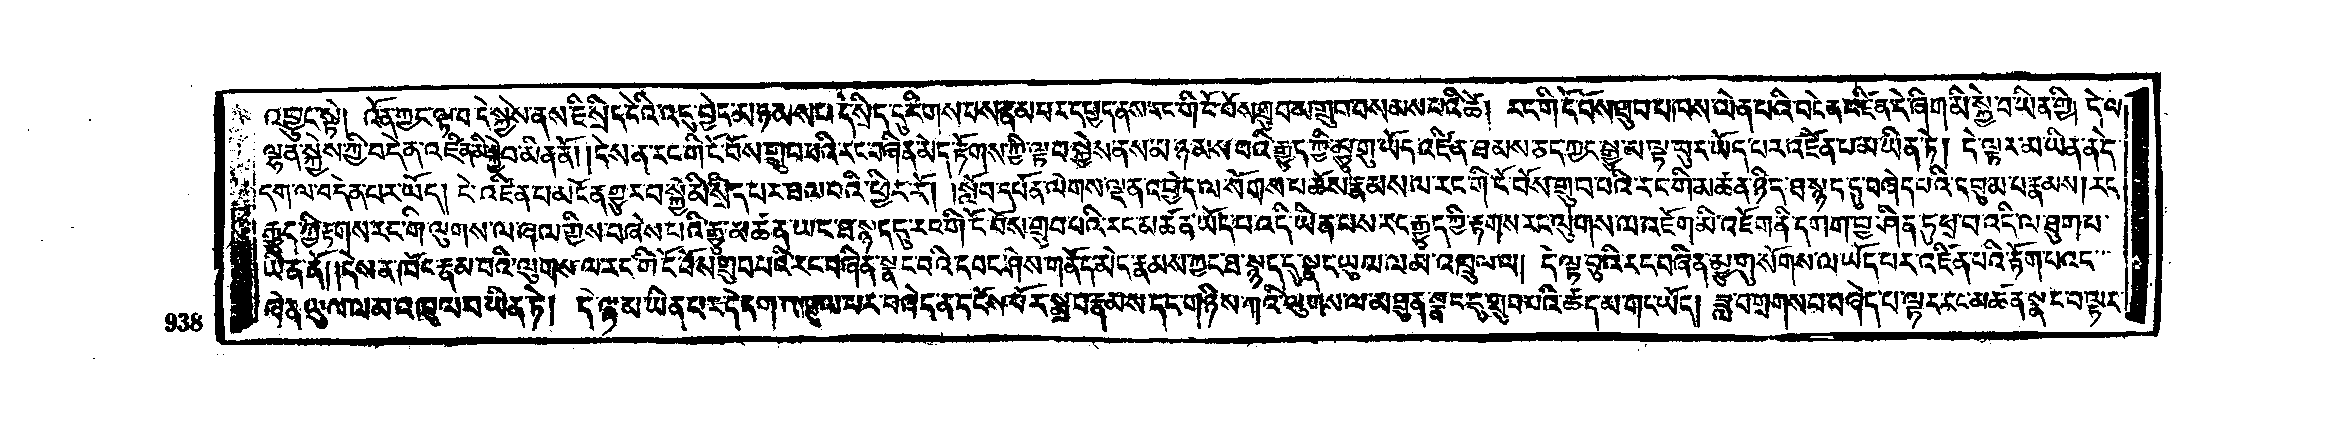འབྱུང་སྟེ། འོན་ཀྱང་ལྟ་བ་དེ་སྐྱེས་ནས་ཇི་སྲིད་དེའི་འདུ་བྱེད་མ་ཉམས་པ་དེ་སྲིད་དུ་རིགས་པས་རྣམ་པར་དཔྱད་ནས་རང་གི་ངོ་བོས་གྲུབ་མ་གྲུབ་བསམས་པའི་ཚེ། རང་གི་ངོ་བོས་གྲུབ་པ་ཁས་ལེན་པའི་བདེན་འཛིན་རེ་ཞིག་མི་སྐྱེ་བ་ཡིན་གྱི། དེ་ལ་
ལྷན་སྐྱེས་ཀྱི་བདེན་འཛིན་མི་སྐྱེ་བ་མིན་ནོ། །དེས་ན་རང་གི་ངོ་བོས་གྲུབ་པའི་རང་བཞིན་མེད་རྟོགས་ཀྱི་ལྟ་བ་སྐྱེས་ནས་མ་ཉམས་པའི་རྒྱུད་ཀྱི་མྱུ་གུ་ཡོད་འཛིན་ཐམས་ཅད་ཀྱང་སྒྱུ་མ་ལྟ་བུར་ཡོད་པར་འཛིན་པ་མ་ཡིན་ཏེ། དེ་ལྟར་མ་ཡིན་ན་དེ་
དག་ལ་བདེན་པར་ཡོད་པར་འཛིན་པ་མངོན་གྱུར་པ་སྐྱེ་མི་སྲིད་པར་ཐལ་བའི་ཕྱིར་རོ། །སློབ་དཔོན་ལེགས་ལྡན་འབྱེད་ལ་སོགས་པ་ཆོས་རྣམས་ལ་རང་གི་ངོ་བོས་གྲུབ་པའི་རང་གི་མཚན་ཉིད་ཐ་སྙད་དུ་བཞེད་པའི་དབུ་མ་པ་རྣམས། རང་
རྒྱུད་ཀྱི་རྟགས་རང་གི་ལུགས་ལ་ཞལ་གྱིས་བཞེས་པའི་རྒྱུ་མཚན་ཡང་ཐ་སྙད་དུ་རང་གི་ངོ་བོས་གྲུབ་པའི་རང་མཚན་ཡོད་པ་འདི་ཡིན་པས་རང་རྒྱུད་ཀྱི་རྟགས་རང་ལུགས་ལ་འཇོག་མི་འཇོག་ནི་དགག་བྱ་ཤིན་ཏུ་ཕྲ་བ་འདི་ལ་ཐུག་པ་
ཡིན་ནོ། །དེས་ན་ཁོང་རྣམ་པའི་ལུགས་ལ་རང་གི་ངོ་བོས་གྲུབ་པའི་རང་བཞིན་སྣང་བའི་དབང་ཤེས་གནོད་མེད་རྣམས་ཀྱང་ཐ་སྙད་དུ་སྣང་ཡུལ་ལ་མ་འཁྲུལ་ལ། དེ་ལྟ་བུའི་རང་བཞིན་མྱུ་གུ་སོགས་ལ་ཡོད་པར་འཛིན་པའི་རྟོག་པའང་
ཞེན་ཡུལ་ལ་མ་འཁྲུལ་བ་ཡིན་ཏེ། དེ་ལྟ་མ་ཡིན་པར་དེ་དག་འཁྲུལ་པར་བཞེད་ན་དངོས་པོར་སྨྲ་བ་རྣམས་དང་གཉིས་ཀའི་ལུགས་ལ་མཐུན་སྣང་དུ་གྲུབ་པའི་ཚད་མ་གང་ཡོད། ཟླ་བ་གྲགས་པ་བཞེད་པ་ལྟར་རང་མཚན་སྣང་བ་ལྟར་